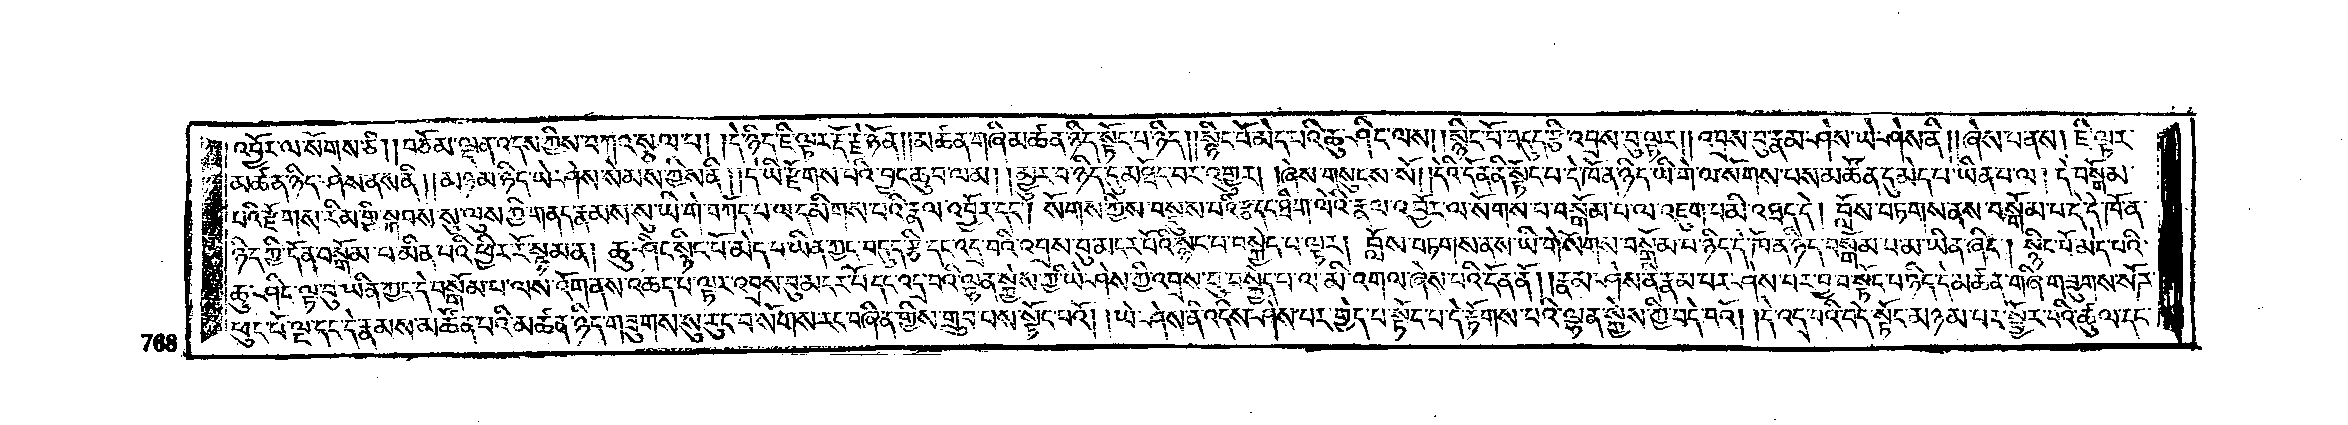འབྱོར་ལ་སོགས་ཅི། །བཅོམ་ལྡན་འདས་ཀྱིས་བཀའ་སྩལ་པ། །དེ་ཉིད་ཇི་ལྟར་རྡོ་རྗེ་ཉོན། །མཚན་གཞི་མཚན་ཉིད་སྟོང་པ་ཉིད། །སྙིང་པོ་མེད་པའི་ཆུ་ཤིང་ལས། །སྙིང་པོ་བདུད་རྩི་འབྲས་བུ་ལྟར། །འབྲས་བུ་རྣམ་ཤེས་ཡེ་ཤེས་ནི། །ཞེས་པ་ནས། ཇི་ལྟར་
མཚན་ཉིད་ཤེས་ནས་ནི། །མཉམ་ཉིད་ཡེ་ཤེས་སེམས་ཀྱིས་ནི། །དེ་ཡི་རྫོགས་པའི་བྱང་ཆུབ་ལམ། །མྱུར་བ་ཉིད་དུ་མཐོང་བར་འགྱུར། །ཞེས་གསུངས་སོ། །དེའི་དོན་ནི་སྟོང་པ་དེ་ཁོ་ན་ཉིད་ཡི་གེ་ལ་སོགས་པས་མཚོན་དུ་མེད་པ་ཡིན་པ་ལ། དེ་བསྒོམ་
པའི་རྫོགས་རིམ་གྱི་སྐབས་སུ་ལུས་ཀྱི་གནད་རྣམས་སུ་ཡི་གེ་བཀོད་པ་ལ་དམིགས་པའི་རྣལ་འབྱོར་དང་། སོགས་ཀྱིས་བསྡུས་པའི་རྩ་དང་ཐིག་ལེའི་རྣལ་འབྱོར་ལ་སོགས་པ་བསྒོམ་པ་ལ་འཇུག་པ་མི་འཐད་དེ། བློས་བཏགས་ནས་བསྒོམ་པ་དེ་དེ་ཁོ་ན་
ཉིད་ཀྱི་དོན་བསྒོམ་པ་མིན་པའི་ཕྱིར་རོ་སྙམ་ན། ཆུ་ཤིང་སྙིང་པོ་མེད་པ་ཡིན་ཀྱང་བདུད་རྩི་དང་འདྲ་བའི་འབྲས་བུ་མངར་པོའི་སྙིང་པོ་བསྐྱེད་པ་ལྟར། བློས་བཏགས་ནས་ཡི་གེ་སོགས་བསྒོམ་པ་ཉིད་དེ་ཁོ་ན་ཉིད་བསྒོམ་པ་མ་ཡིན་ཞིང་། སྙིང་པོ་མེད་པའི་
ཆུ་ཤིང་ལྟ་བུ་ཡིན་ཀྱང་དེ་བསྒོམ་པ་ལས་འོག་ནས་འཆད་པ་ལྟར་འབྲས་བུ་མངར་པོ་དང་འདྲ་བའི་ལྷན་སྐྱེས་ཀྱི་ཡེ་ཤེས་ཀྱི་འབྲས་བུ་བསྐྱེད་པ་ལ་མི་འགལ་ཞེས་པའི་དོན་ནོ། །རྣམ་ཤེས་ནི་རྣམ་པར་ཤེས་པར་བྱ་བ་སྟོང་པ་ཉིད་དེ་མཚན་གཞི་གཟུགས་སོགས་
ཕུང་པོ་ལྔ་དང་དེ་རྣམས་མཚོན་པའི་མཚན་ཉིད་གཟུགས་སུ་རུང་བ་སོགས་རང་བཞིན་གྱིས་གྲུབ་པས་སྟོང་པའོ། །ཡེ་ཤེས་ནི་འདིས་ཤེས་པར་བྱེད་པ་སྟོང་པ་དེ་རྟོགས་པའི་ལྷན་སྐྱེས་ཀྱི་བདེ་བའོ། །དེ་འདྲ་བའི་བདེ་སྟོང་མཉམ་པར་སྦྱོར་བའི་ཚུལ་དང་